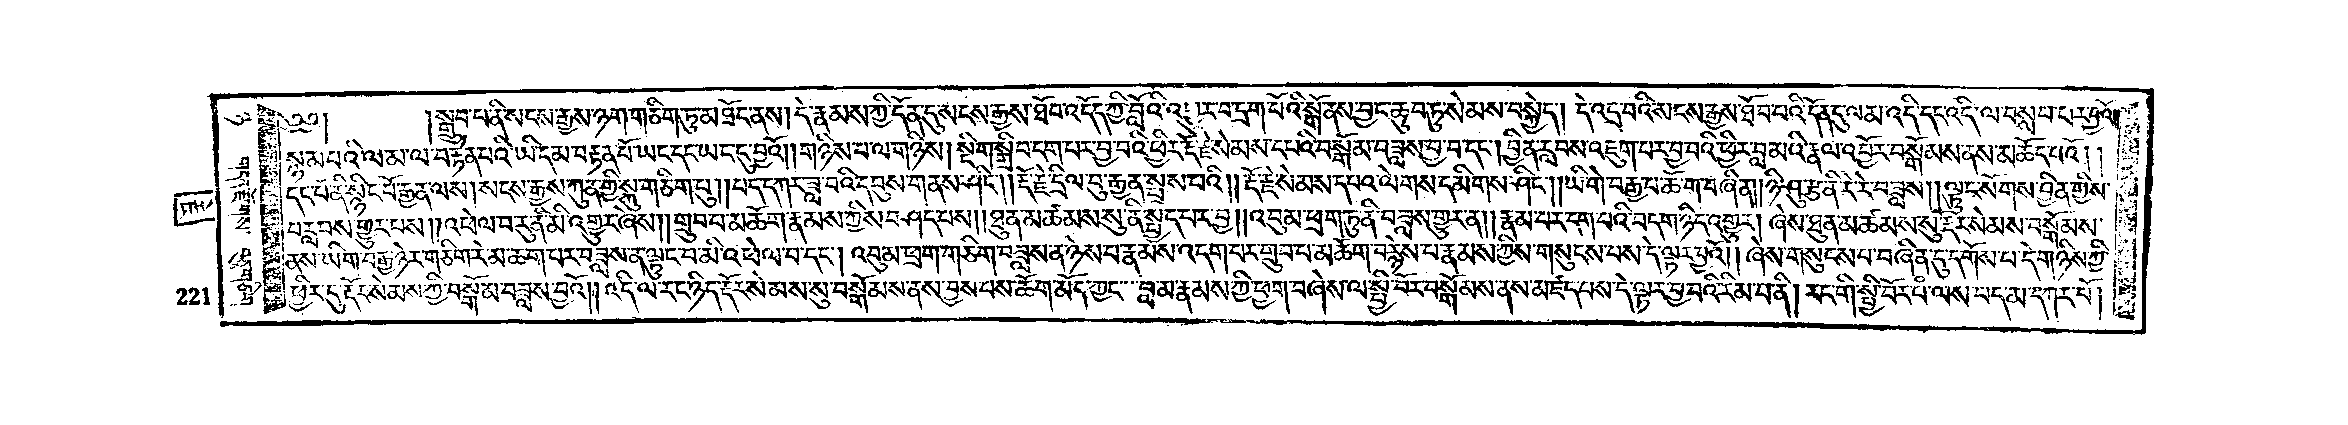༄༅། །སྒྲུབ་པ་ནི་སངས་རྒྱས་ཉག་གཅིག་ཏུ་མཐོང་ནས། དེ་རྣམས་ཀྱི་དོན་དུ་སངས་རྒྱས་ཐོབ་འདོད་ཀྱི་བློའི་འགྱུར་བ་དྲག་པོའི་སྒོ་ནས་བྱང་ཆུབ་ཏུ་སེམས་བསྐྱེད། དེ་འདྲ་བའི་སངས་རྒྱས་ཐོབ་པའི་དོན་དུ་ལམ་འདི་དང་འདི་ལ་བསླབ་པར་བྱའོ། །
སྙམ་པའི་ལམ་ལ་བརྟེན་པའི་ཡི་དམ་བརྟན་པོ་ཡང་དང་ཡང་དུ་བྱའོ། །གཉིས་པ་ལ་གཉིས། སྡིག་སྒྲིབ་དག་པར་བྱ་བའི་ཕྱིར་རྡོ་རྗེ་སེམས་དཔའི་བསྒོམ་བཟླས་བྱ་བ་དང་། བྱིན་རླབས་འཇུག་པར་བྱ་བའི་ཕྱིར་བླ་མའི་རྣལ་འབྱོར་བསྒོམས་ནས་མཆེད་པའོ། །
དང་པོ་ནི་སྙིང་པོ་རྒྱན་ལས། སངས་རྒྱས་ཀུན་གྱི་སྐུ་གཅིག་པུ། །པད་དཀར་ཟླ་བའི་དབུས་གནས་ཤིང་། །རྡོ་རྗེ་དྲིལ་བུ་རྒྱན་སྤྲས་པའི། །རྡོ་རྗེ་སེམས་དཔའ་ལེགས་དམིགས་ཤིང་། །ཡི་གེ་བརྒྱ་པ་ཆོ་ག་བཞིན། །ཉི་ཤུ་རྩ་ནི་རེ་རེ་བཟླས། །ལྟུང་སོགས་བྱིན་གྱིས་
བརླབས་གྱུར་པས། །འཕེལ་བ་རུ་ནི་མི་འགྱུར་ཞེས། །གྲུབ་པ་མཆོག་རྣམས་ཀྱིས་བཤད་པས། །ཐུན་མཚམས་སུ་ནི་སྤྱད་པར་བྱ། །འབུམ་ཕྲག་ཏུ་ནི་བཟླས་གྱུར་ན། །རྣམ་པར་དག་པའི་བདག་ཉིད་འགྱུར། ཞེས་ཐུན་མཚམས་སུ་རྡོར་སེམས་བསྒོམས་
ནས་ཡིག་བརྒྱ་ཉེར་གཅིག་རེ་མ་ཆག་པར་བཟླས་ན་ལྟུང་བ་མི་འཕེལ་བ་དང་། འབུམ་ཕྲག་གཅིག་བཟླས་ན་ཉེས་པ་རྣམས་འདག་པར་གྲུབ་པར་མཆོག་བརྙེས་པ་རྣམས་ཀྱིས་གསུངས་པས་དེ་ལྟར་བྱའོ། །ཞེས་གསུངས་པ་བཞིན་དུ་དགོས་པ་དེ་གཉིས་ཀྱི་
ཕྱིར་དུ་རྡོར་སེམས་ཀྱི་བསྒོམ་བཟླས་བྱའོ། །འདི་ལ་རང་ཉིད་རྡོར་སེམས་སུ་བསྒོམས་ནས་བྱས་པས་ཆོག་མོད་ཀྱང་བླ་མ་རྣམས་ཀྱི་ཕྱག་བཞེས་ལ་སྤྱི་བོར་བསྒོམས་ནས་མཛད་པས་དེ་ལྟར་བྱ་བའི་རིམ་པ་ནི། རང་གི་སྤྱི་བོར་པཾ་ལས་པད་མ་དཀར་པོ།